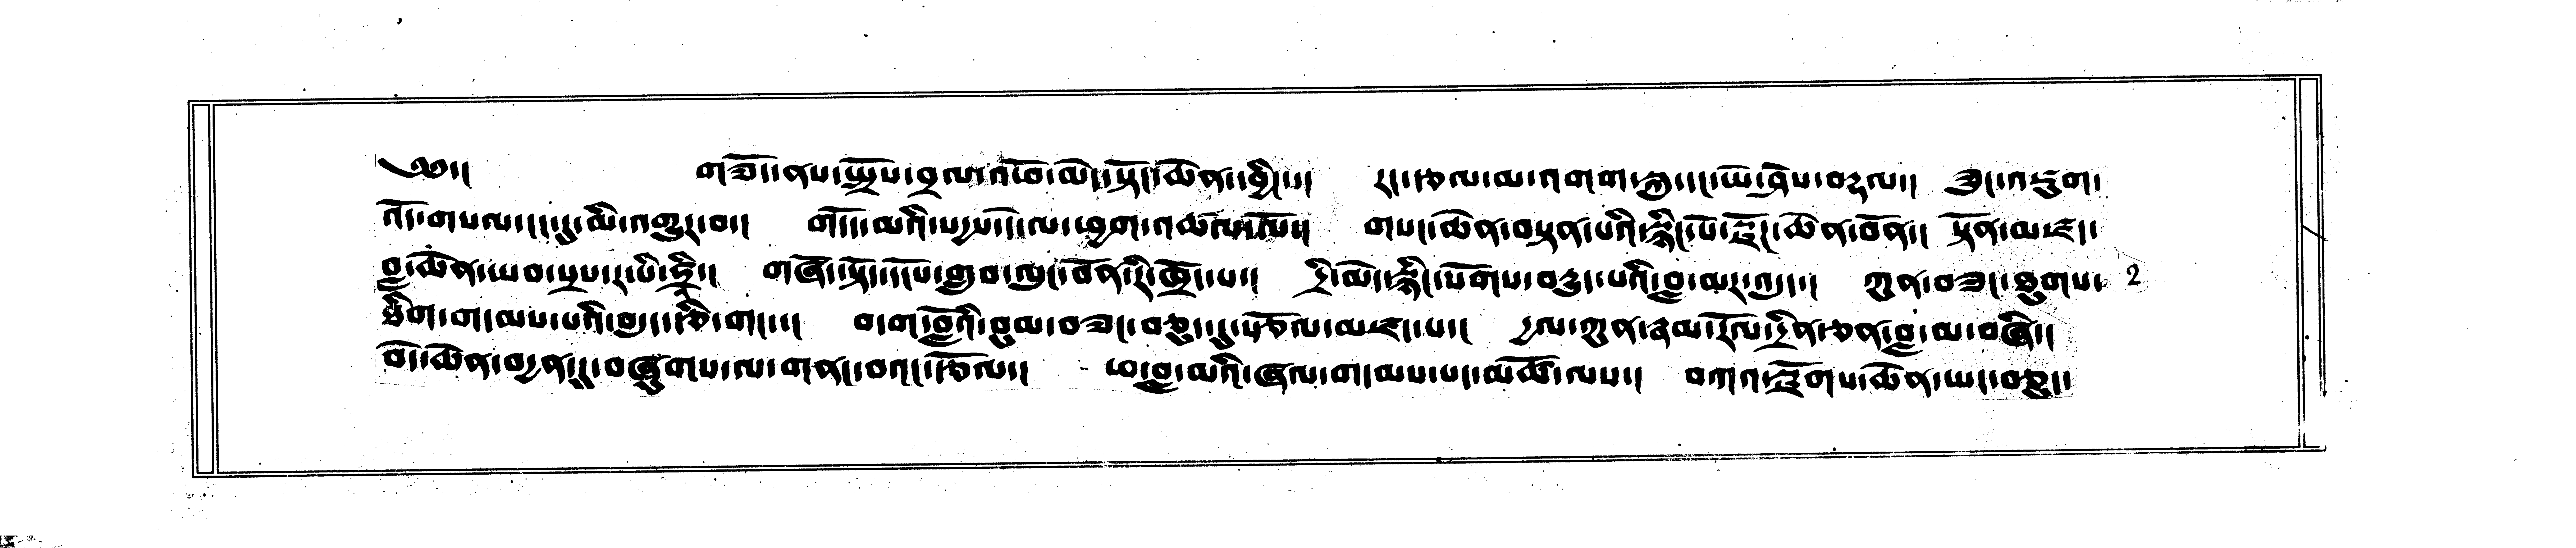༄༅།། བཟོད་ནས་སྤྲོས་བྲལ་འཕོ་མེད་སྟོང་ཆེན་དབྱིངས། །རང་རྩལ་མ་འགག་སྐུ་དང་ཡེ་ཤེས་བརྡལ། །ཟུང་འཇུག་
འོད་གསལ་ངང་དུ་མི་འགྱུར་བ། །གདོད་མའི་སངས་རྒྱས་དེ་ལ་ཕྱག་འཚལ་ལོ། །གསང་ཆེན་བསྟན་པའི་སྙིང་པོ་རྫོགས་ཆེན་བོན། །སྟོན་མཛད་
བླ་ཆེན་ཡབ་སྲས་ཏ་པི་ཧྲི། །གཞོད་སྟོན་དངོས་གྲུབ་ལུང་བོན་རི་ཁྲོད་པ། །དྲི་མེད་སྙིང་སོགས་བརྒྱུད་པའི་བླ་མར་འདུད། །ཀུན་བཟང་ཐུགས་
ཐིག་གདམས་པའི་བདུད་རྩི་གང་། །བདག་བློའི་བུམ་བཟང་བཅུད་དུ་སྩོལ་མཛད་པ། །རྒྱལ་ཀུན་རྣམ་རོལ་དྲིན་ཆེན་བླ་མ་བཞི། 
།བདེ་ཆེན་རྒྱན་དུ་བཞུགས་ལ་གནང་བའང་སྩོལ། །ཕ་བླ་མའི་ཞལ་གདམས་པད་མཚོ་ལས། །བཀའ་རྫོགས་ཆེན་ཡང་བཅུད་